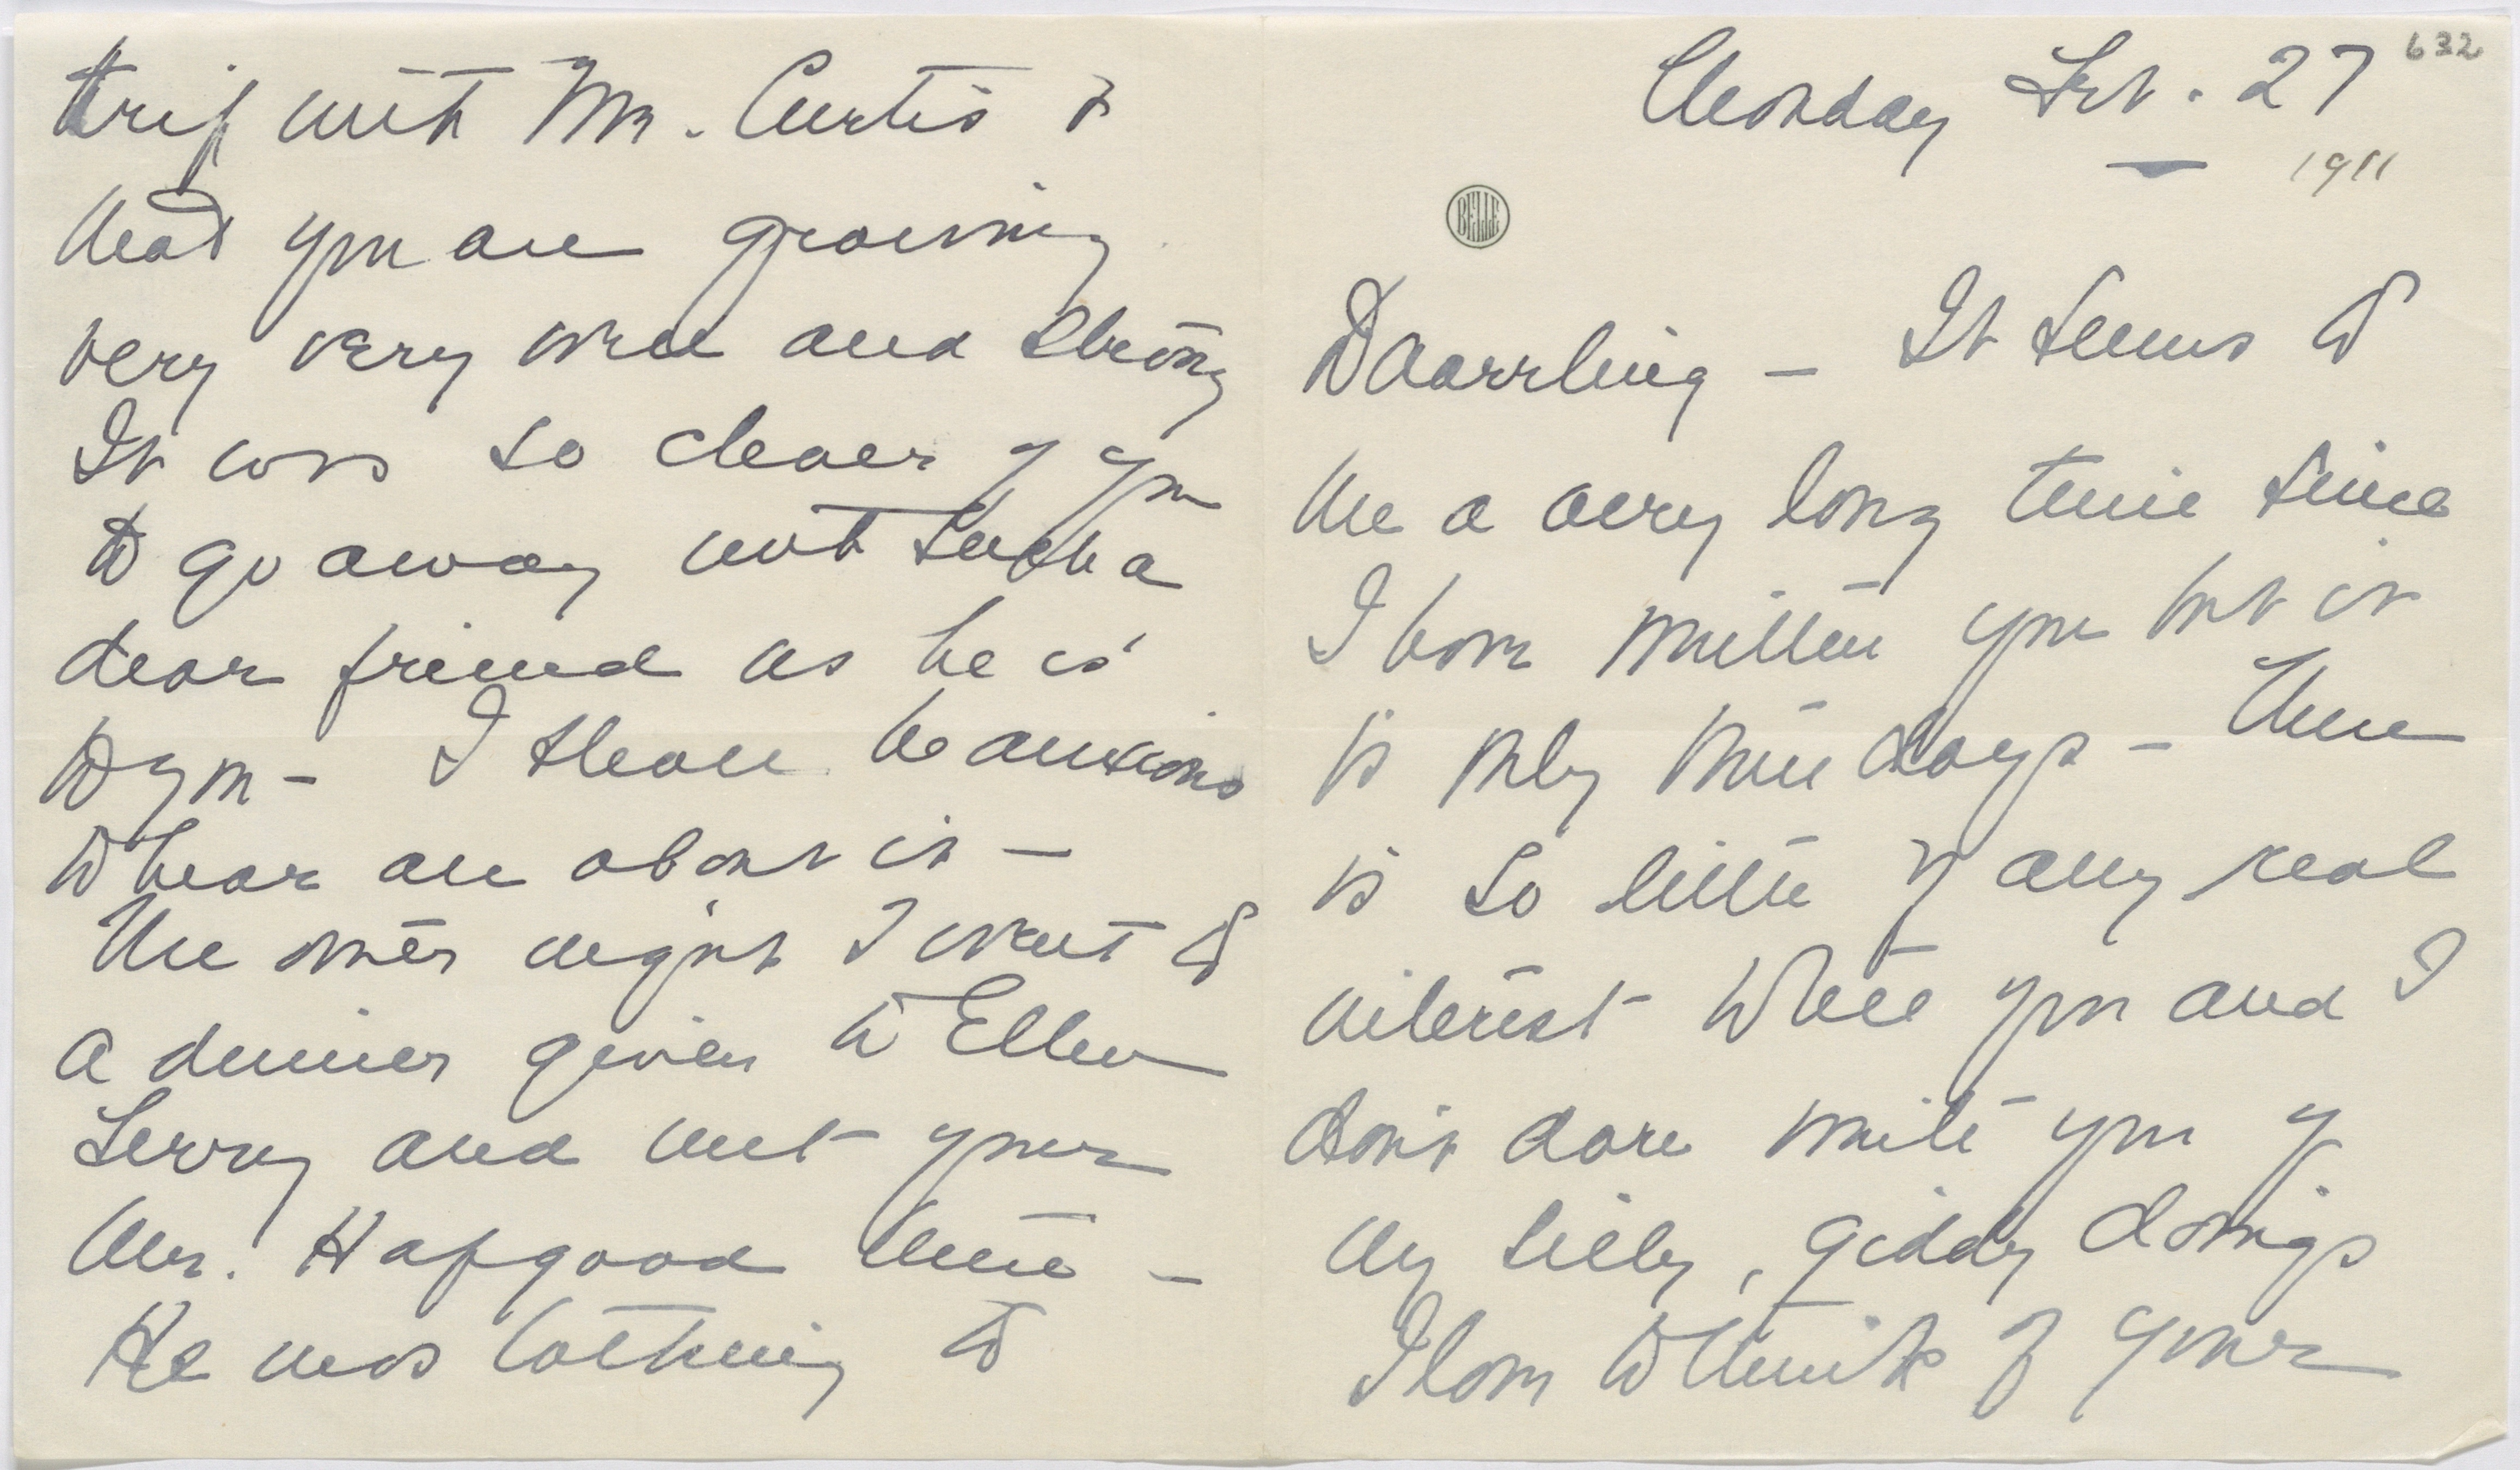Monday Feb. 27
–
Daarrling – It seems to me a very long time since I have written you but it is only three days – There is so little of any real interest to tell you and I don’t dare write you of my silly, giddy doings
I love to think of your
trip with Mr. Curtis & that you are growing very very well and strong It was so clever of you to go away with such a dear friend as he is to you – I shall be anxious to hear all about it –
The other night I went to a dinner given to Ellen Terry and met your Mr. Hapgood there – He was talking to